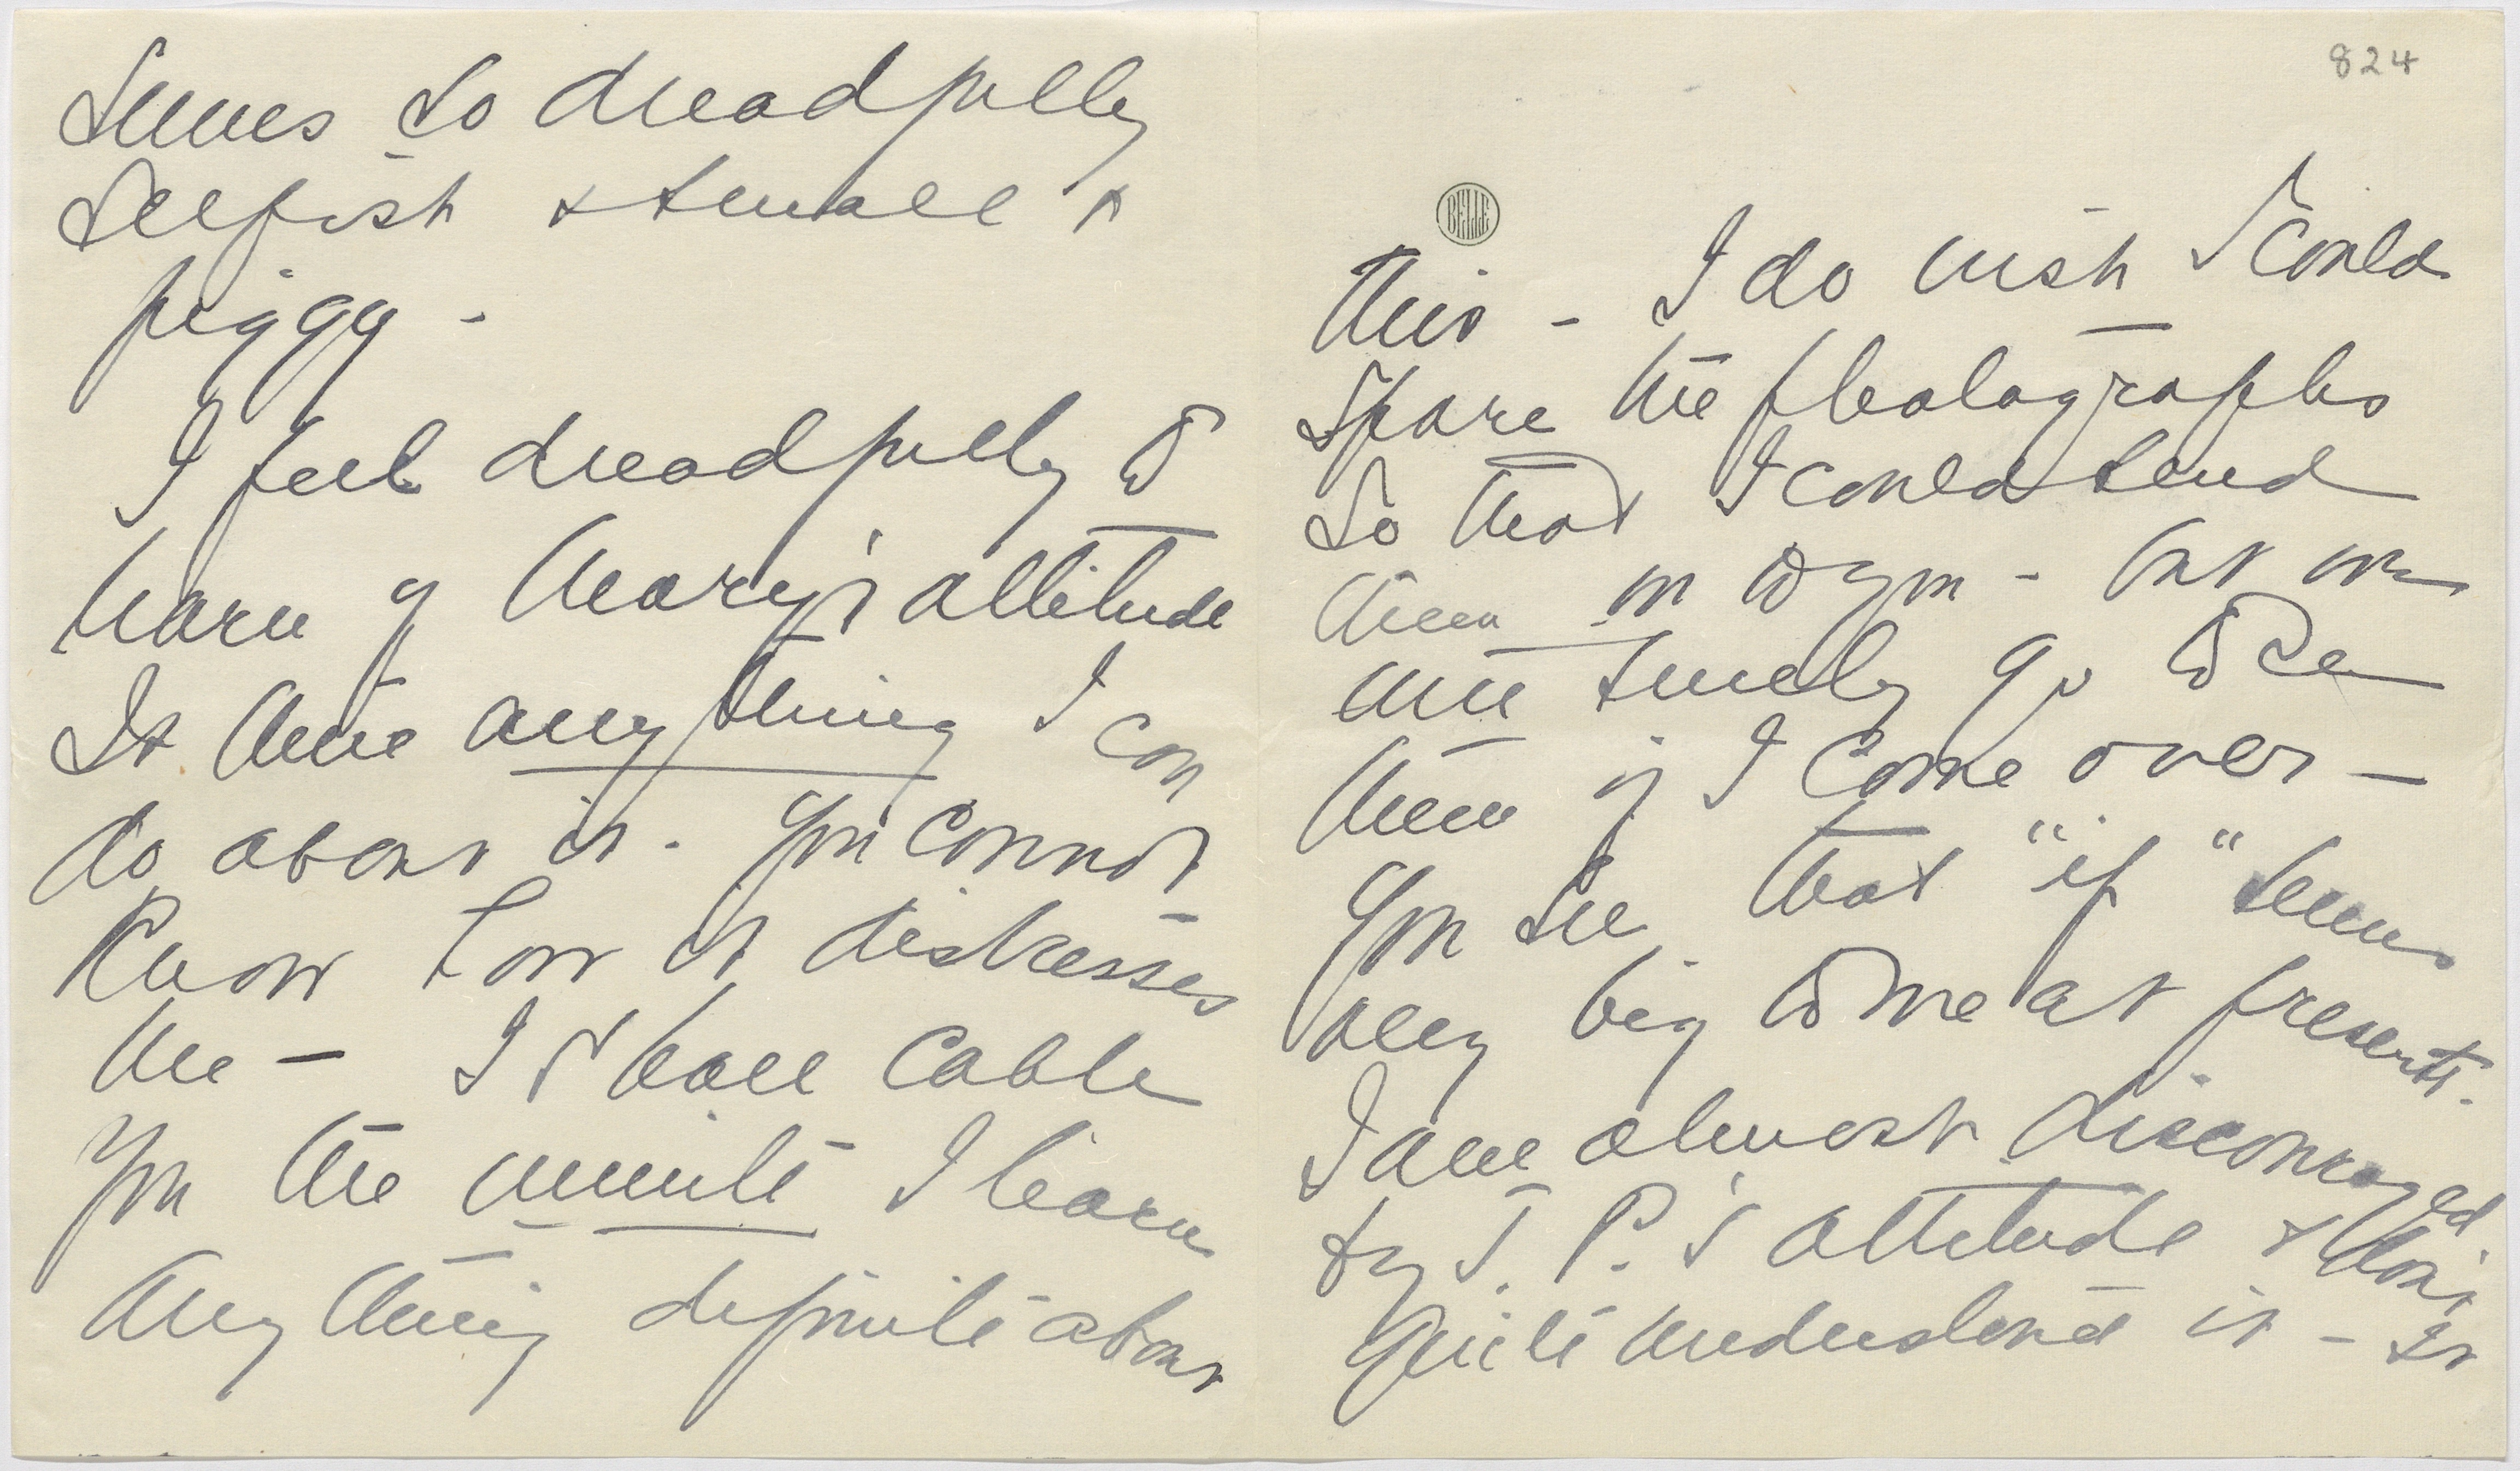this – I do wish I could spare the photographs so that I could send them on to you – but we will surely go to see them if I come over – You see that “if” seems very big to me at present. I am almost discouraged by J. P.’s attitude & don’t quite understand it – It
seems so dreadfully selfish & small & piggy –
I feel dreadfully to learn of Mary’s attitude Is there any thing I can do about it – You cannot know how it distresses me – I shall cable You the minute I learn any thing definite about